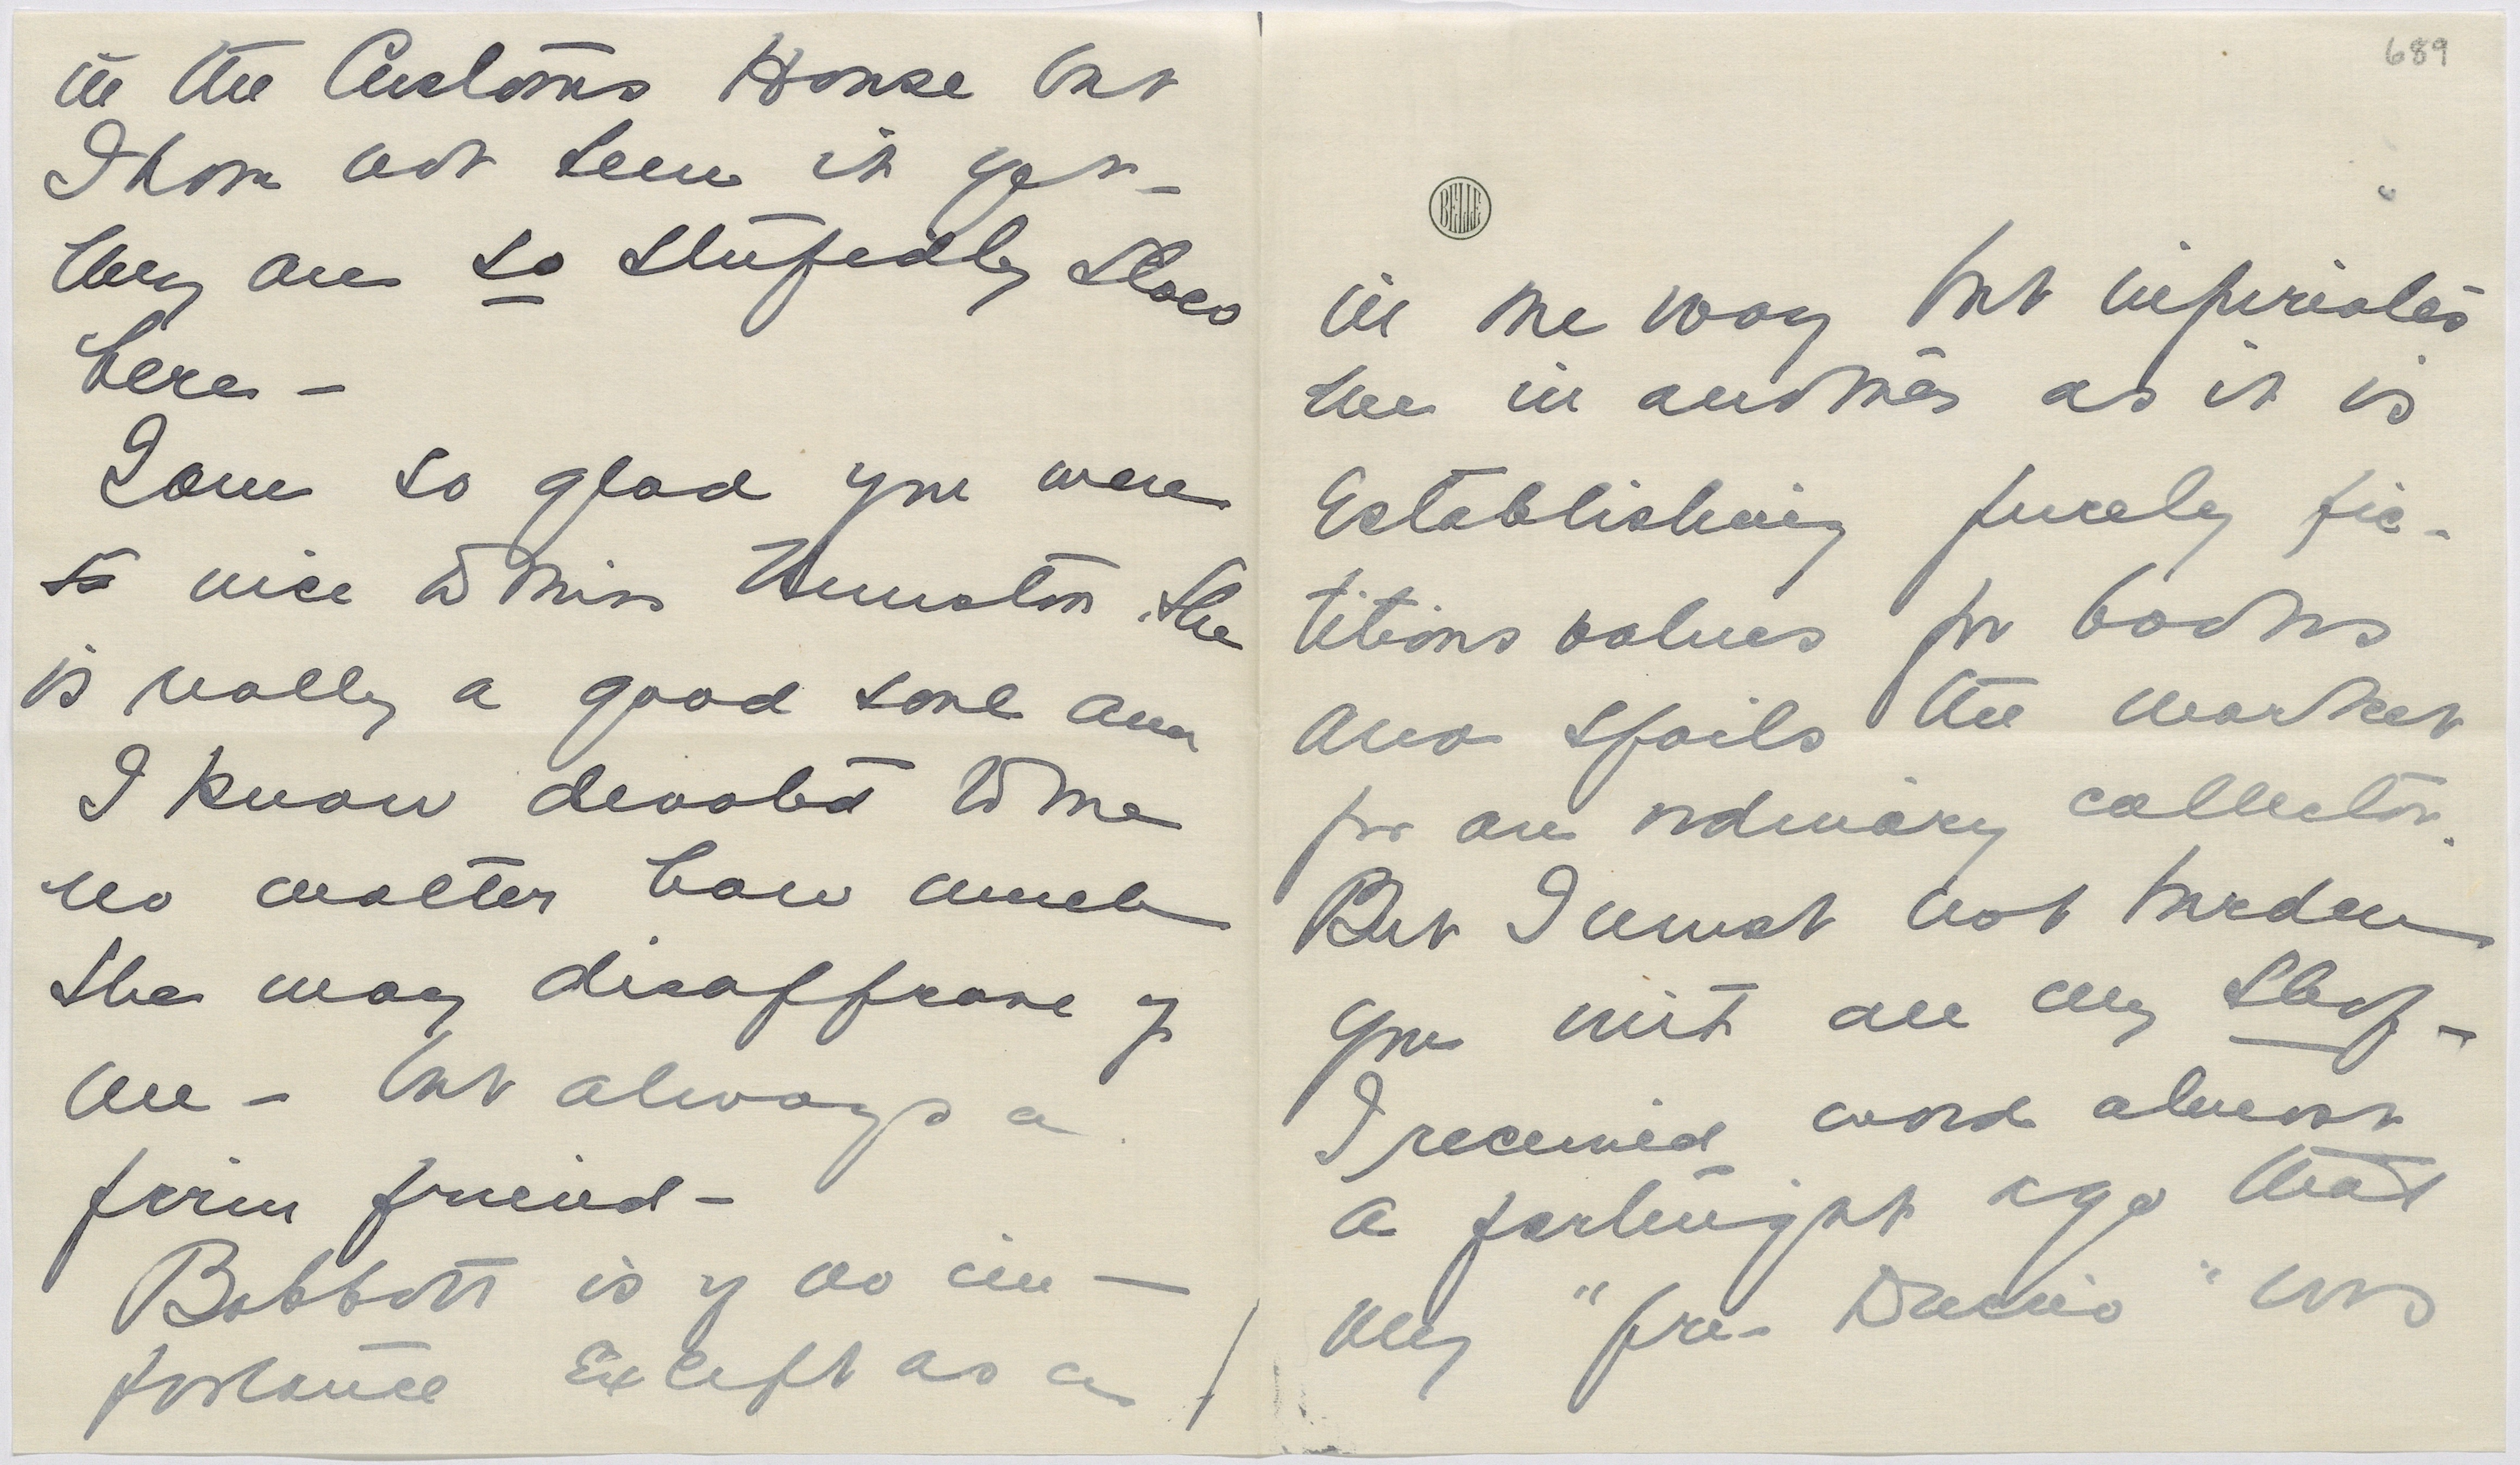in one way but infuriates me in another as it is establishing purely fictitious values for books and spoils the market for an ordinary collector. But I must not burden you with all my shop –
I received word almost a fortnight ago that my “pre-Duccio” was
in the Customs House but I have not seen it yet – They are so stupidly slow here –
I am so glad you were so nice to Miss Thurston. She is really a good soul and I know devoted to me no matter how much she may disapprove of me – but always a firm friend –
Babbott is of no importance except as a